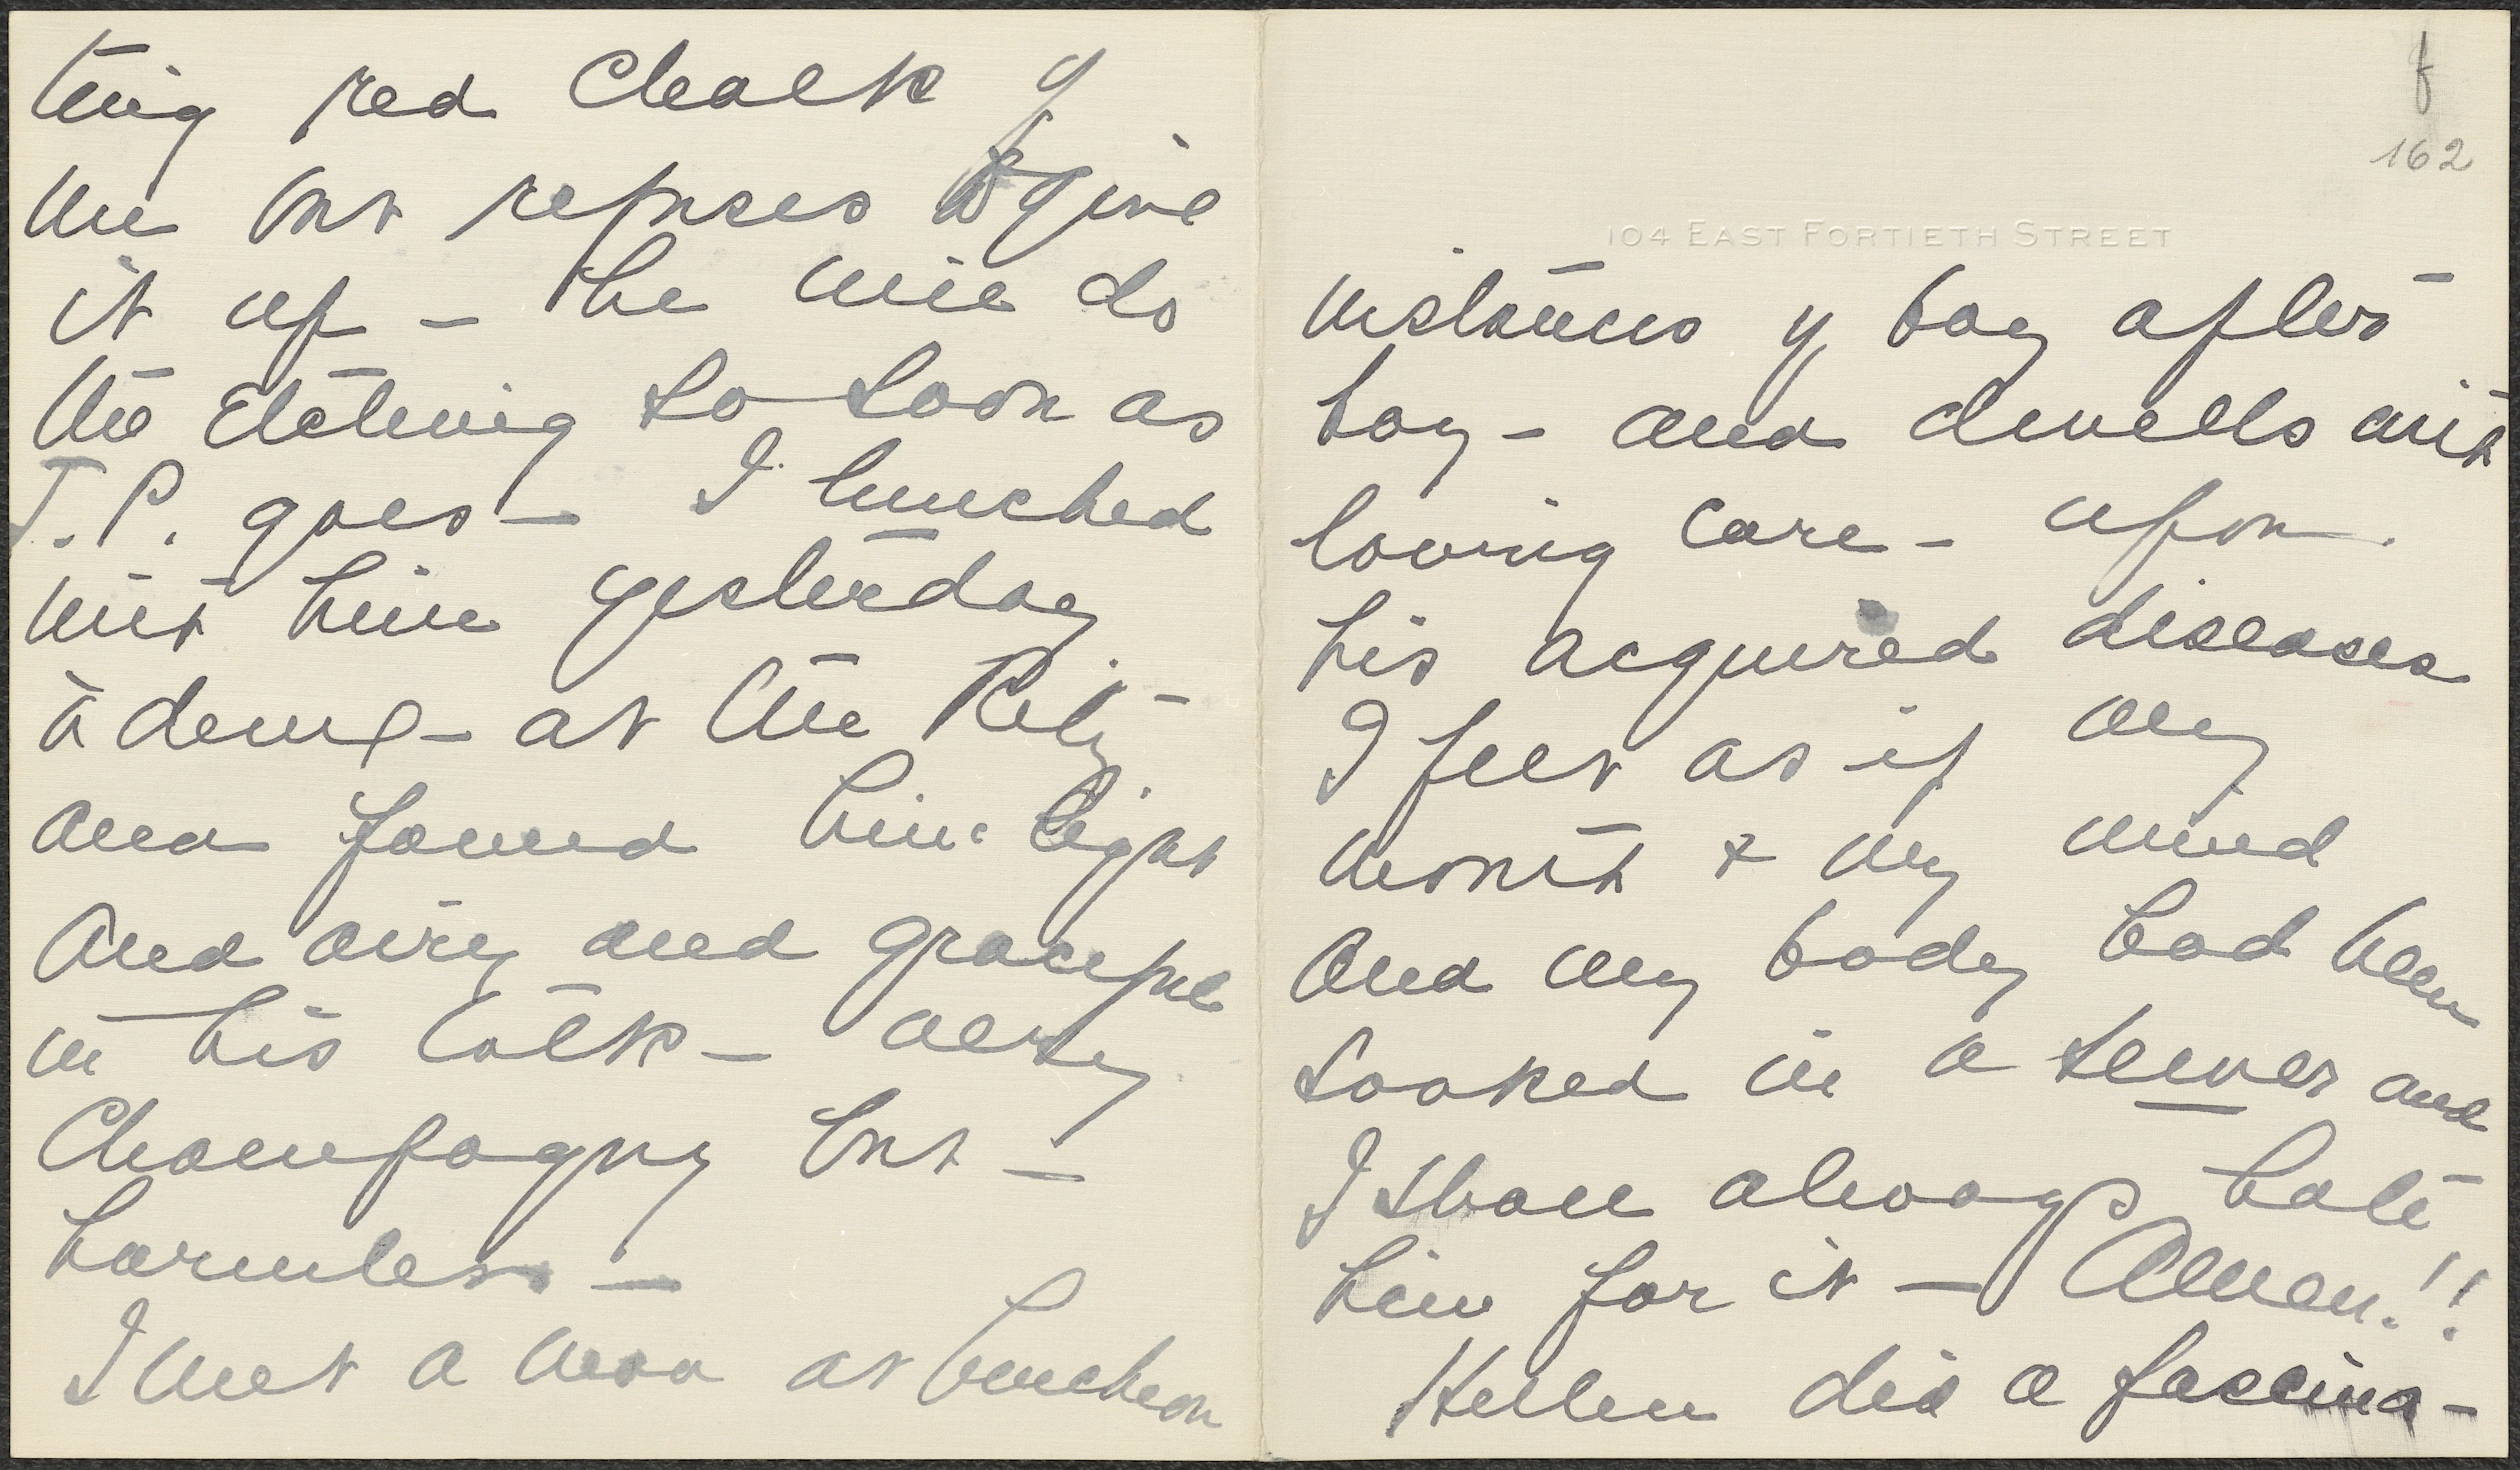instances of boy after boy – and dwells with loving care – upon his acquired diseases I felt as if my mouth & my mind and my body had been soaked in a sewer and I shall always hate him for it – Amen!! Helleu did a fascinating
red chalk of me but refuses to give it up – he will do the etching so soon as J. P. goes – I lunched with him yesterday à deux – at the Ritz and found him light and airy and graceful in his talk – very Champagny but – harmless –
I met a man at luncheon